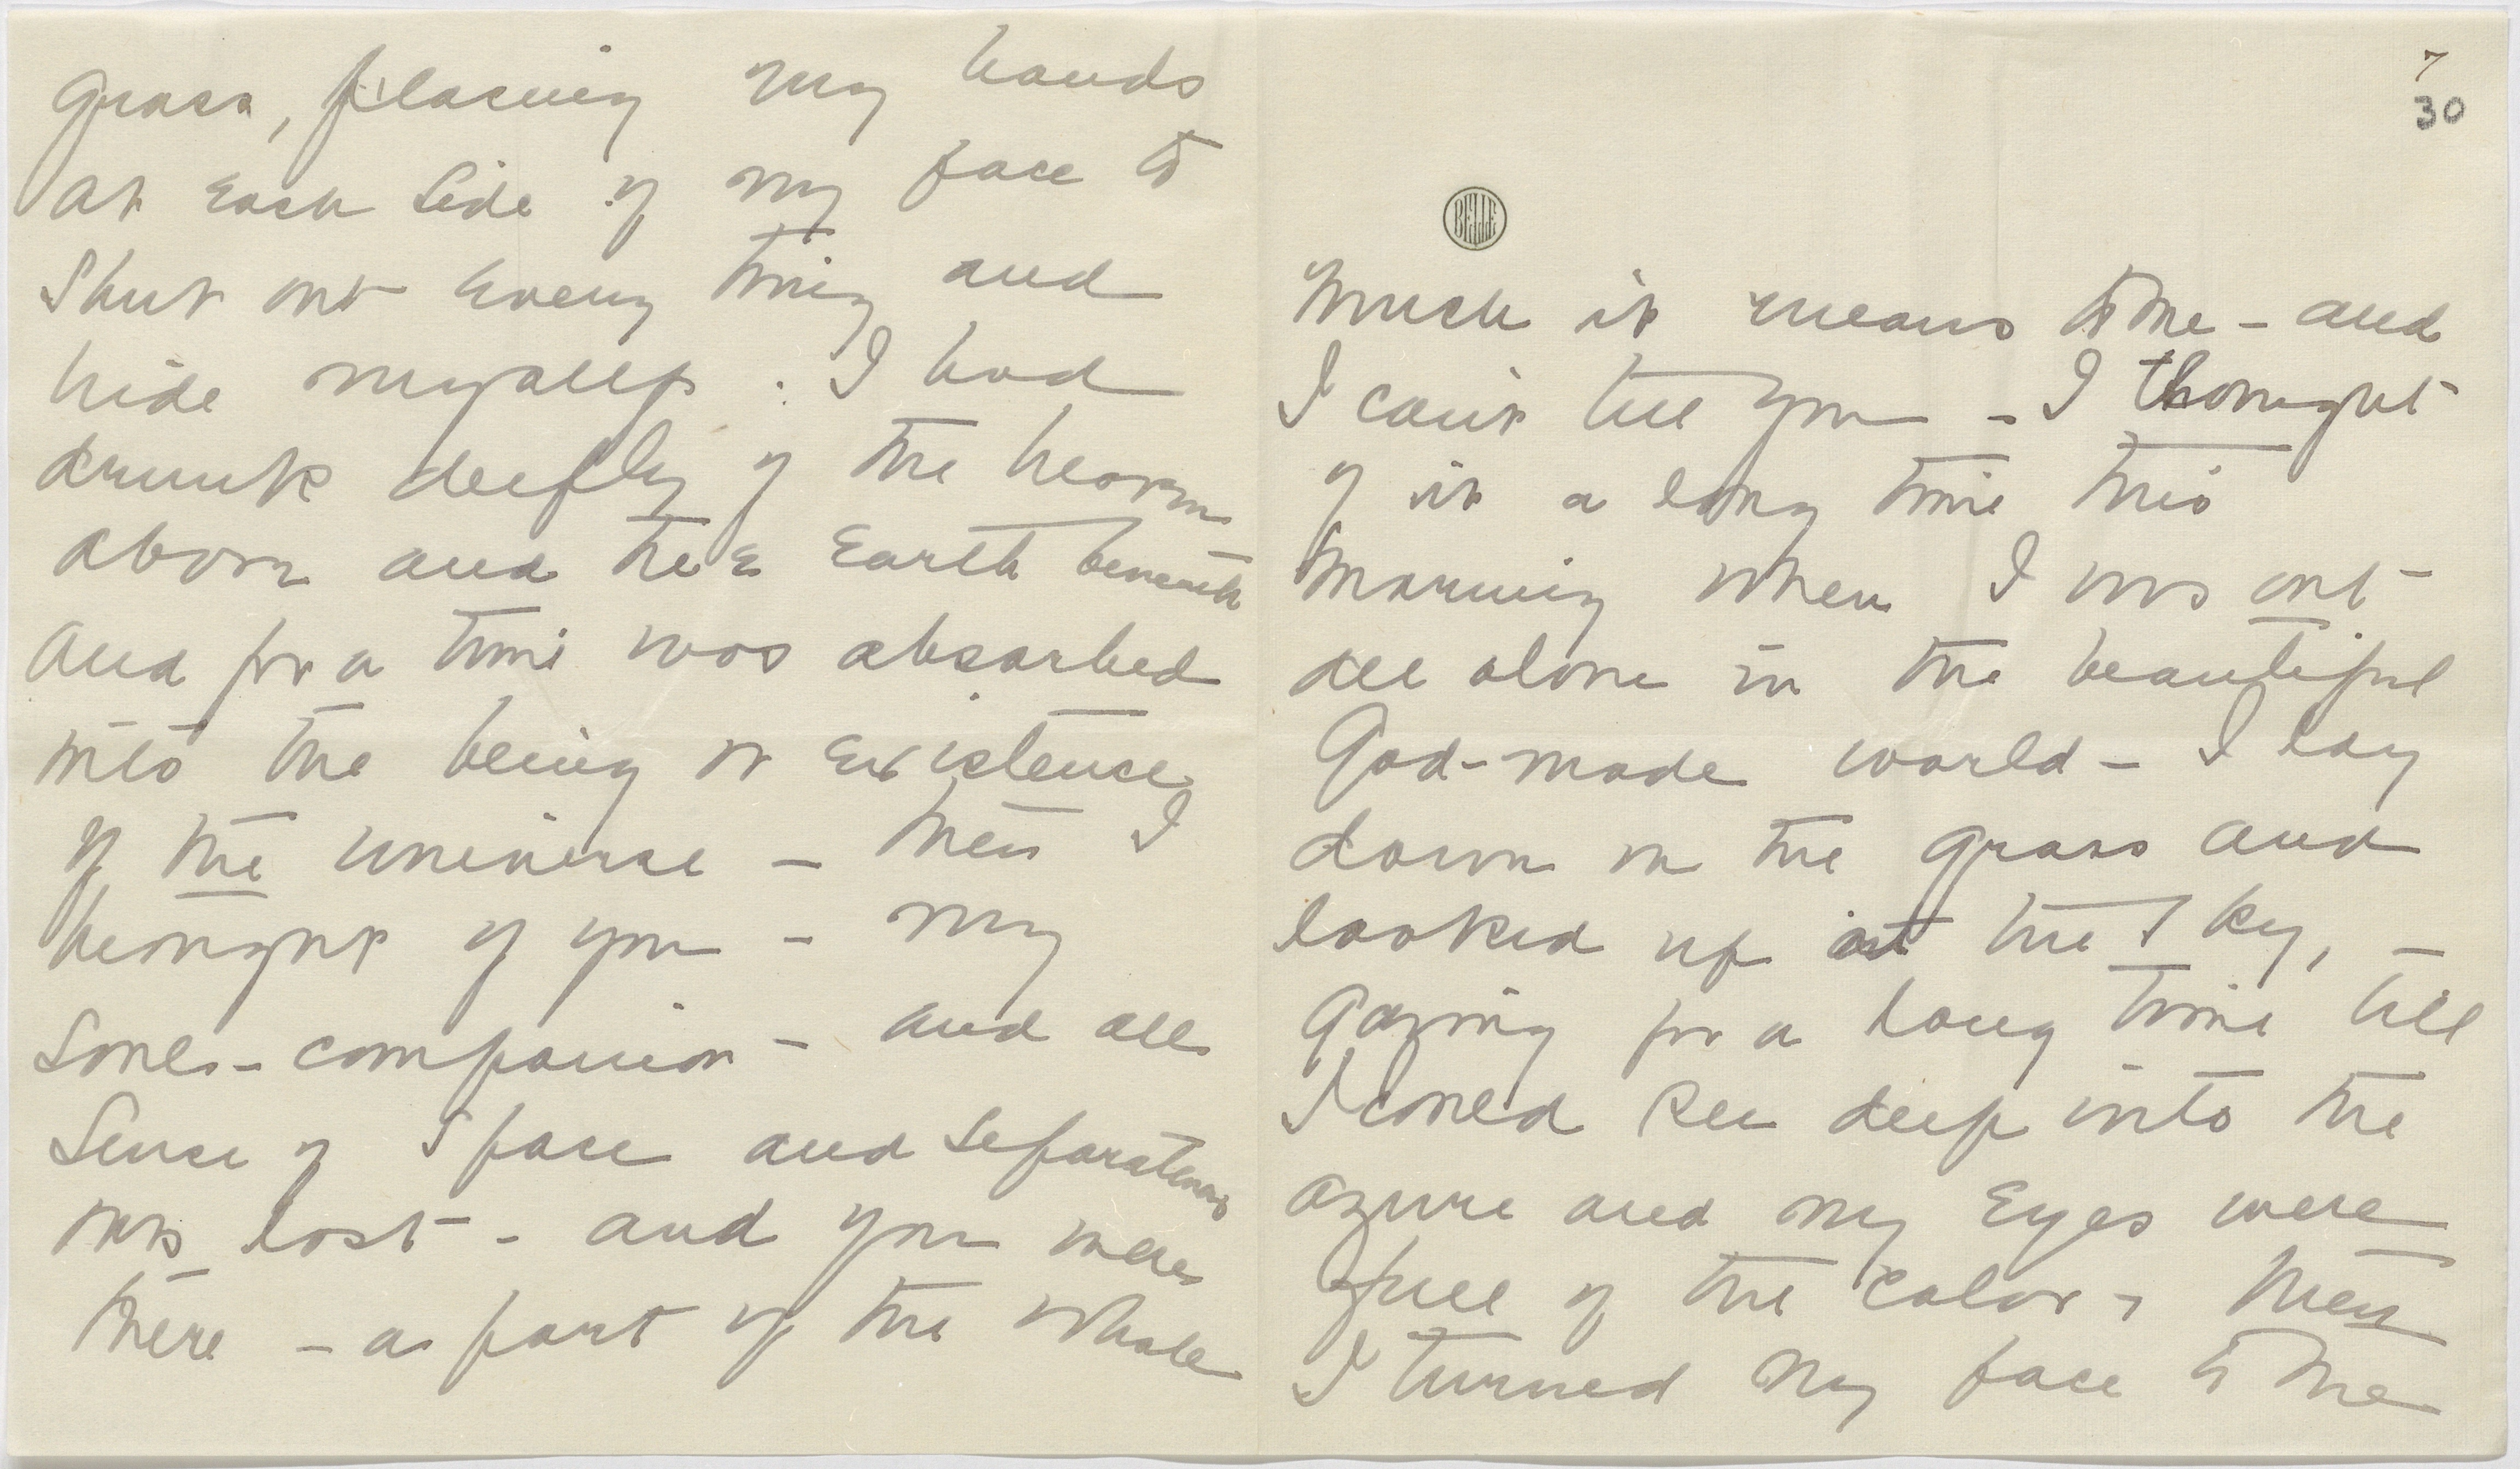much it means to me – and I can’t tell you – I thought of it a long time this morning when I was out all alone in the beautiful God-made world – I lay down in the grass and looked up at the sky, – gazing for a long time till I could see deep into the azure and my eyes were full of the color & then I turned my face to the
grass, placing my hands at each side of my face to shut out every thing and hide myself. I had drunk deeply of the heaven above and the earth beneath and for a time was absorbed into the being or existence of the universe – then I thought of you – my soul-companion – and all sense of space and separateness was lost – and you were there – a part of the whole